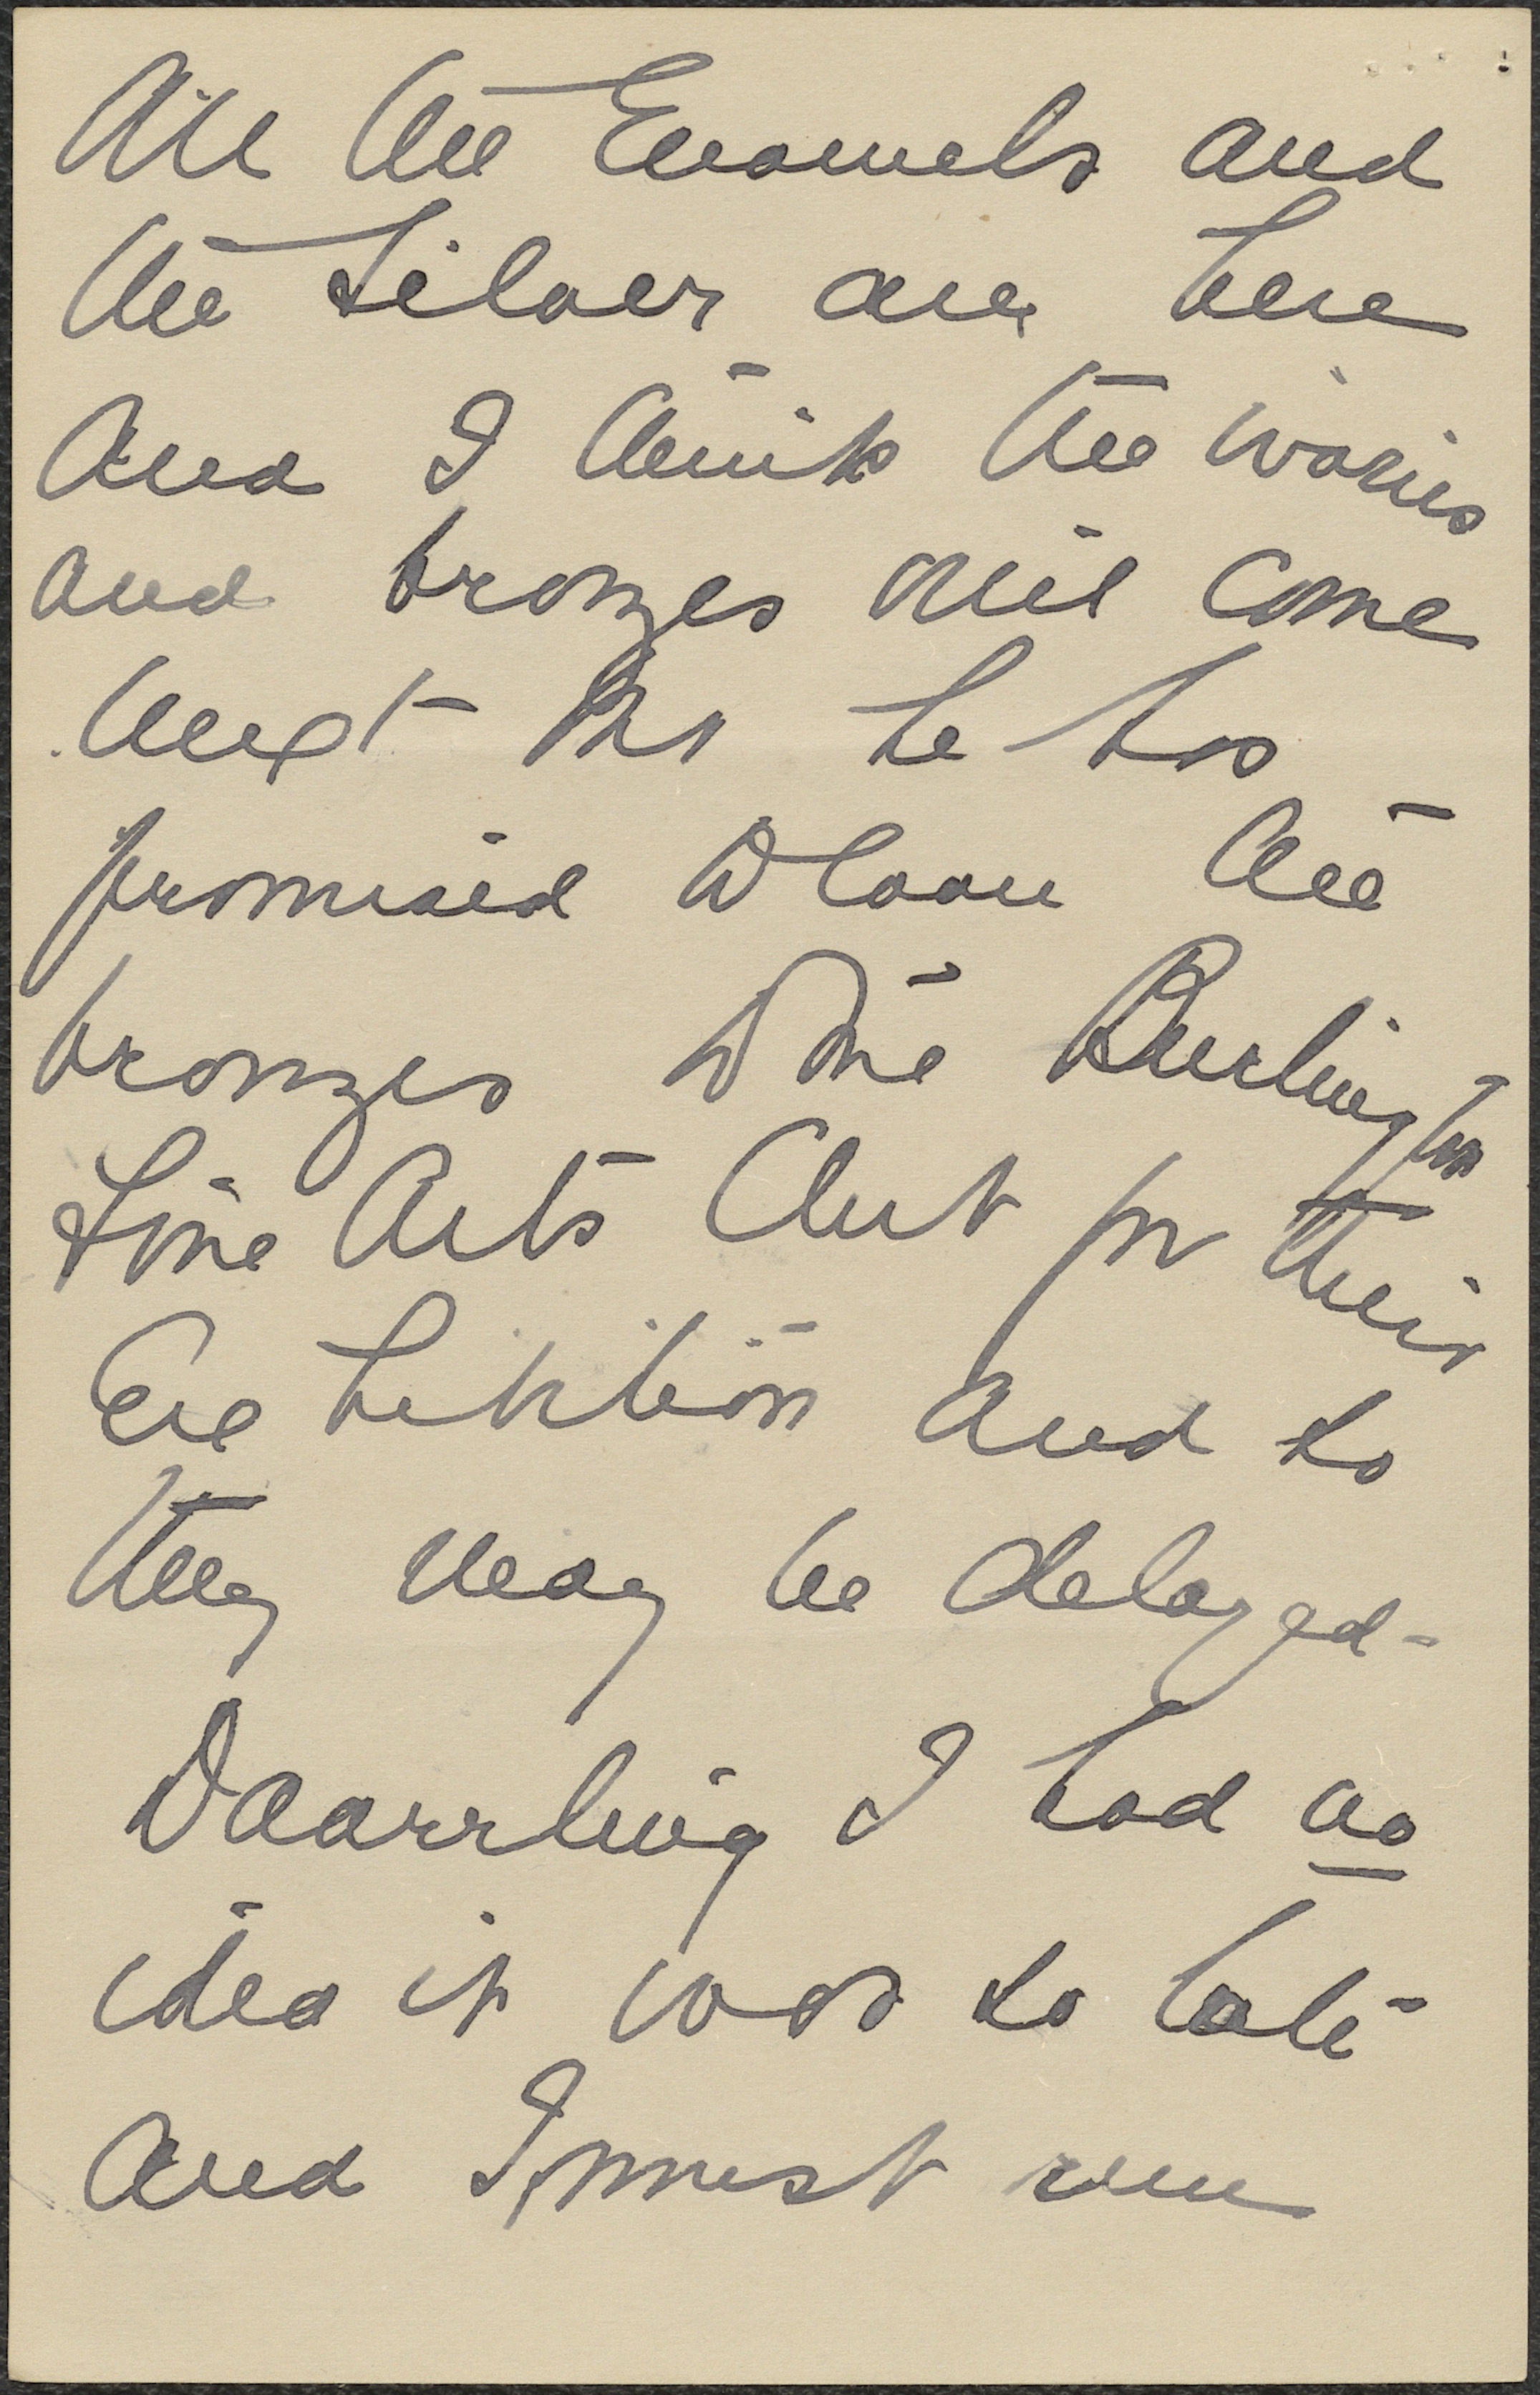All the enamels and the silver are here and I think the ivories and bronzes will come next but he has promised to loan the bronzes to the Burlington Fine Arts Club for their exhibition and so they may be delayed –
Daarrling I had no idea it was so late and I must run